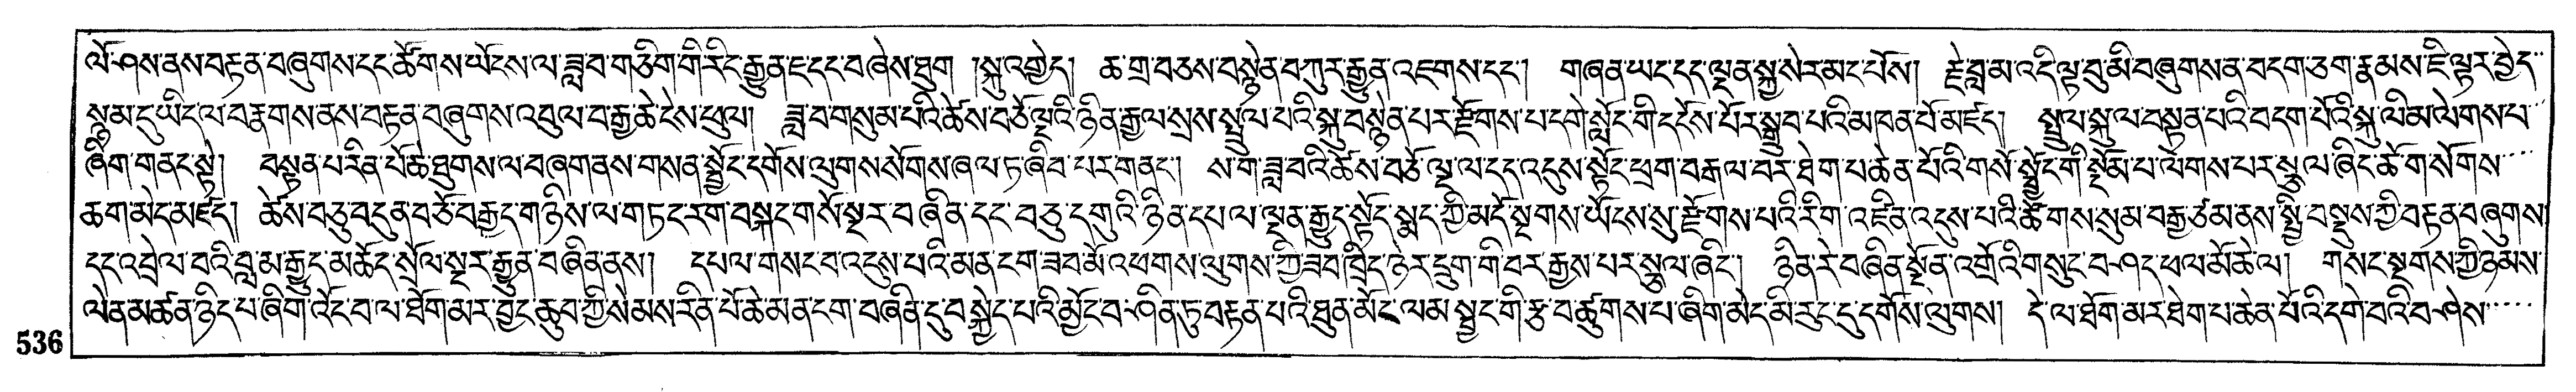ལོ་ཤས་ནས་བརྟན་བཞུགས་དང་ཚོགས་ཡོངས་ལ་ཟླ་བ་གཅིག་གི་རིང་རྒྱུན་ཇ་དང་བཞེས་ཐུག །སྐུ་འགྱེད། ཚ་གྲ་བཅས་བསྙེན་བཀུར་རྒྱུན་འཇགས་དང་། གཞན་ཡང་དང་ལྡན་སྐྱ་སེར་མང་པོས། རྗེ་བླ་མ་འདི་ལྟ་བུ་མི་བཞུགས་ན་བདག་ཅག་རྣམས་ཇི་ལྟར་བྱེད་
སྙམ་དུ་ཡིད་ལ་བརྣགས་ནས་བརྟན་བཞུགས་འབུལ་བ་རྒྱ་ཆེ་ངེས་ཕུལ། ཟླ་བ་གསུམ་པའི་ཚེས་བཅོ་ལྔའི་ཉིན་རྒྱལ་སྲས་སྤྲུལ་པའི་སྐུ་བསྙེན་པར་རྫོགས་པ་དགེ་སློང་གི་དངོས་པོར་སྒྲུབ་པའི་མཁན་པོ་མཛད། སྤྲུལ་སྐུ་ལ་བསྟན་པའི་བདག་པོའི་སྐུ་ལིམ་ལེགས་པ་
ཞིག་གནང་སྟེ། བསྟན་པ་རིན་པོ་ཆེ་ཐུགས་ལ་བཞག་ནས་གསན་སྦྱོང་དགོས་ལུགས་སོགས་ཞལ་ཏ་ཞིབ་པར་གནང་། ས་ག་ཟླ་བའི་ཚེས་བཅོ་ལྔ་ལ་དད་འདུས་སྟོང་ཕྲག་བརྒལ་བར་ཐེག་པ་ཆེན་པོའི་གསོ་སྦྱོང་གི་སྡོམ་པ་ལེགས་པར་སྩལ་ཞིང་ཆོ་ག་སོགས་
ཆག་མེད་མཛད། ཚེས་བཅུ་བདུན་བཅོ་བརྒྱད་གཉིས་ལ་གཏང་རག་བསྐང་གསོ་སྔར་བཞིན་དང་བཅུ་དགུའི་ཉིན་དཔལ་ལྡན་རྒྱུད་སྟོད་སྨད་ཀྱི་མདོ་སྔགས་ཡོངས་སུ་རྫོགས་པའི་རིག་འཛིན་འདུས་པའི་ཆོགས་སུམ་བརྒྱ་ཙམ་ནས་སྤྱི་བསྡུས་ཀྱི་བརྟན་བཞུགས་
དང་འབྲེལ་པའི་བླ་མ་རྒྱུད་མཆོད་སྲོལ་སྔར་རྒྱུན་བཞིན་ནས། དཔལ་གསང་བ་འདུས་པའི་མན་ངག་ཟབ་མོ་འཕགས་ལུགས་ཀྱི་ཟབ་ཁྲིད་ཉེར་དྲུག་གི་བར་རྒྱས་པར་སྩལ་ཞིང་། ཉིན་རེ་བཞིན་སྔོན་འགྲོའི་གསུང་བཤད་ཕལ་མོ་ཆེ་ལ། གསང་སྔགས་ཀྱི་ཉམས་
ལེན་མཚན་ཉིད་པ་ཞིག་འོང་བ་ལ་ཐོག་མར་བྱང་ཆུབ་ཀྱི་སེམས་རིན་པོ་ཆེ་མན་ངག་བཞིན་དུ་བསྐྱེད་པའི་མྱོང་བ་ཤིན་ཏུ་བརྟན་པའི་ཐུན་མོང་ལམ་སྦྱང་གི་རྩ་བ་ཚུགས་པ་ཞིག་མེད་མི་རུང་དུ་དགོས་ལུགས། དེ་ལ་ཐོག་མར་ཐེག་པ་ཆེན་པོའི་དགེ་བའི་བཤེས་